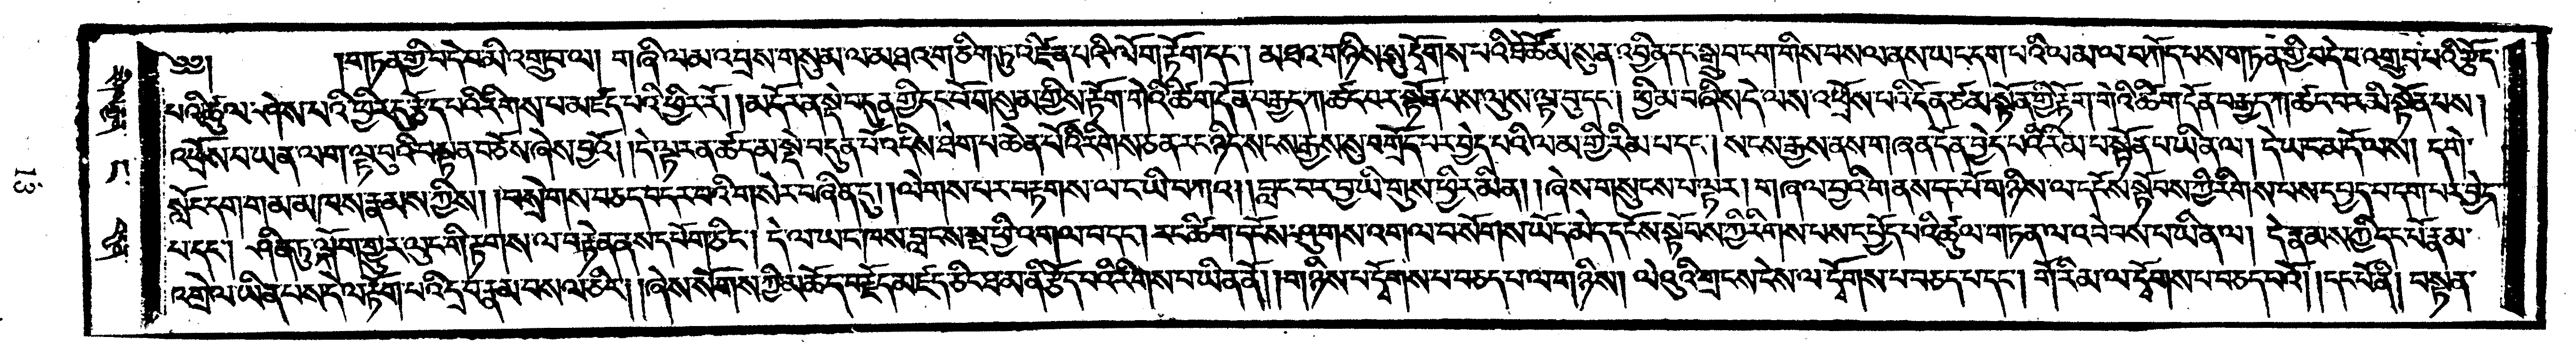༄༅། །གཏན་གྱི་བདེ་བ་མི་འགྲུབ་ལ། གཞི་ལམ་འབྲས་གསུམ་ལ་མཐའ་གཅིག་ཏུ་འཛིན་པའི་ལོག་རྟོག་དང་། མཐའ་གཉིས་སུ་དྭོགས་པའི་ཐེ་ཚོམ་སུན་འབྱིན་དང་སྒྲུབ་ངག་གིས་བསལ་ནས་ཡང་དག་པའི་ལམ་ལ་བཀོད་པས་གཏན་གྱི་བདེ་བ་འགྲུབ་པའི་རྩོད་
པའི་ཚུལ་ཤེས་པའི་ཕྱིར་དུ་རྩོད་པའི་རིགས་པ་མཛད་པའི་ཕྱིར་རོ། །མདོར་ན་སྡེ་བདུན་གྱི་དང་པོ་གསུམ་གྱིས་རྟོག་གེའི་ཚིག་དོན་བརྒྱད་ཀ་ཚང་བར་སྟོན་པས་ལུས་ལྟ་བུ་དང་། ཕྱི་མ་བཞིས་དེ་ལས་འཕྲོས་པའི་དོན་ཙམ་སྟོན་གྱི་རྟོག་གེའི་ཚིག་དོན་བརྒྱད་ཀ་ཆང་བར་མི་སྟོན་པས།
འཕྲོས་པ་ཡན་ལག་ལྟ་བུའི་བསྟན་བཅོས་ཞེས་བྱའོ། །དེ་ལྟར་ན་ཚད་མ་སྡེ་བདུན་པོ་འདིས་ཐེག་པ་ཆེན་པོའི་རིགས་ཅན་རང་ཉིད་སངས་རྒྱས་སུ་འགྲོད་པར་བྱེད་པའི་ལམ་གྱི་རིམ་པ་དང་། སངས་རྒྱས་ནས་གཞན་དོན་བྱེད་པའི་རིམ་པ་སྟོན་པ་ཡིན་ལ། དེ་ཡང་མདོ་ལས། དགེ་
སློང་དག་གམ་མཁས་རྣམས་ཀྱིས། །བསྲེགས་བཅད་པ་དར་བའི་གསེར་བཞིན་དུ། །ལེགས་པར་བརྟགས་ལ་ང་ཡི་བཀའ། །བླང་བར་བྱ་ཡི་གུས་ཕྱིར་མིན། །ཞེས་གསུངས་པ་ལྟར། གཞལ་བྱའི་གནས་དང་པོ་གཉིས་ལ་དངོས་སྟོབས་ཀྱི་རིགས་པས་དཔྱད་པ་དག་པར་བྱེད་
པ་དང་། ཤིན་ཏུ་ལྐོག་གྱུར་ལུང་གི་རྟགས་ལ་བརྟེན་ནས་དཔོག་ཅིང་། དེ་ལ་ཡང་ཁས་བླངས་སྔ་ཕྱི་འགལ་བ་དང་། རང་ཚིག་དངོས་ཤུགས་འགལ་བ་སོགས་ཡོད་མེད་དངོས་སྟོབས་ཀྱི་རིགས་པས་དཔྱོད་པའི་ཚུལ་གཏན་ལ་འབེབས་པ་ཡིན་ལ། དེ་རྣམས་ཀྱི་དང་པོ་རྣམ་
འགྲེལ་ཡིན་པས་དེ་ལ་རྟོག་པའི་དྲ་བ་རྣམ་བསལ་ཅིང་། །ཞེས་སོགས་ཀྱི་མཆོད་བརྗོད་མཛད་ཅིང་ཐ་མ་ནི་རྩོད་པའི་རིགས་པ་ཡིན་ནོ། །གཉིས་པ་དོགས་པ་བཅད་པ་ལ་གཉིས། ལེའུའི་གྲངས་ངེས་ལ་དོགས་པ་བཅད་པ་དང་། གོ་རིམ་ལ་དོགས་པ་བཅད་པའོ། །དང་པོ་ནི། བསྟན་